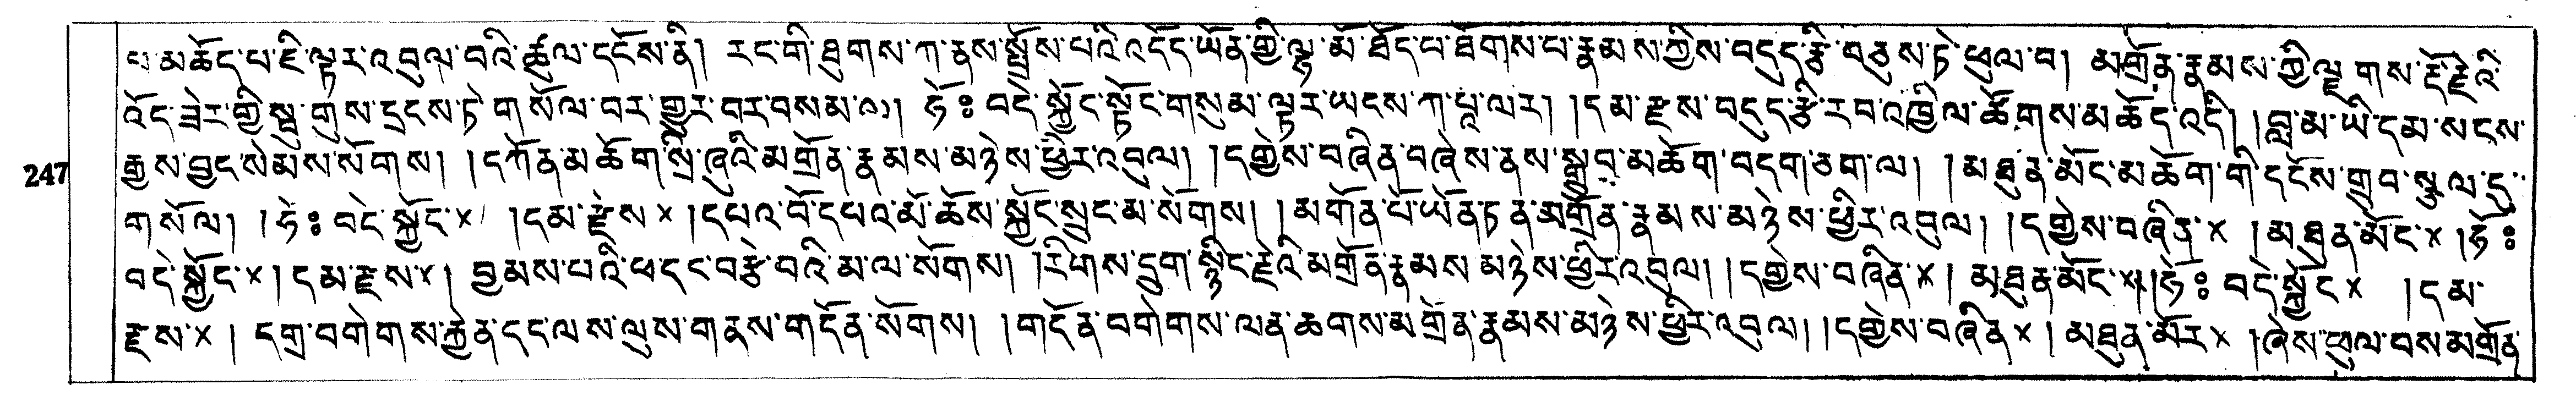པ་མཆོད་པ་ཇི་ལྟར་འབུལ་བའི་ཚུལ་དངོས་ནི། རང་གི་ཐུགས་ཀ་ནས་སྤྲོས་པའི་འདོད་ཡོན་གྱི་ལྷ་མོ་ཐོད་པ་ཐོགས་པ་རྣམས་ཀྱིས་བདུད་རྩི་བཅུས་ཏེ་ཕུལ་བ། མགྲོན་རྣམས་ཀྱི་ལྗགས་རྡོ་རྗེའི་
འོད་ཟེར་གྱི་སྦུ་གུས་དྲངས་ཏེ་གསོལ་བར་གྱུར་བར་བསམ་ལ། ཧོཿ བདེ་སྐྱོང་སྟོང་གསུམ་ལྟར་ཡངས་ཀ་པཱ་ལར། །དམ་རྫས་བདུད་རྩི་རབ་འཁྱིལ་ཚོགས་མཆོད་འདི། །བླ་མ་ཡི་དམ་སངས་
རྒྱས་བྱང་སེམས་སོགས། །དཀོན་མཆོག་སྲི་ཞུའི་མགྲོན་རྣམས་མཉེས་ཕྱིར་འབུལ། །དགྱེས་བཞིན་བཞེས་ནས་སྒྲུབ་མཆོག་བདག་ཅག་ལ། །མཐུན་མོང་མཆོག་གི་དངོས་གྲུབ་སྩལ་དུ་
གསོལ། །ཧོཿ བདེ་སྐྱོང་྾་།དམ་རྫེས་྾་།དཔའ་བོ་དཔའ་མོ་ཆོས་སྐྱོང་སྲུང་མ་སོགས། །མགོན་པོ་ཡོན་ཏན་མགྲོན་རྣམས་མཉེས་ཕྱིར་འབུལ། །དགྱེས་བཞིན། ྾་།མཐུན་མོང་྾་།ཧོཿ
བདེ་སྐྱོང་྾་།དམ་རྫས་྾་།བྱམས་པའི་ཕ་དང་བརྩེ་བའི་མ་ལ་སོགས། །རིགས་དྲུག་སྙིང་རྗེའི་མགྲོན་རྣམས་མཉེས་ཕྱིར་འབུལ། །དགྱེས་བཞིན་྾་།མཐུན་མོང་྾། །ཧོཿ བདེ་སྐྱོང་྾་།དམ་
རྫས་྾་།དགྲ་བགེགས་རྐྱེན་དང་ལས་ལུས་གནས་གདོན་སོགས། །གདོན་བགེགས་ལན་ཆགས་མགྲོན་རྣམས་མཉེས་ཕྱིར་འབུལ། །དགྱེས་བཞིན་྾་།མཐུན་མོར་྾་།ཞེས་ཕུལ་བས་མགྲོན་